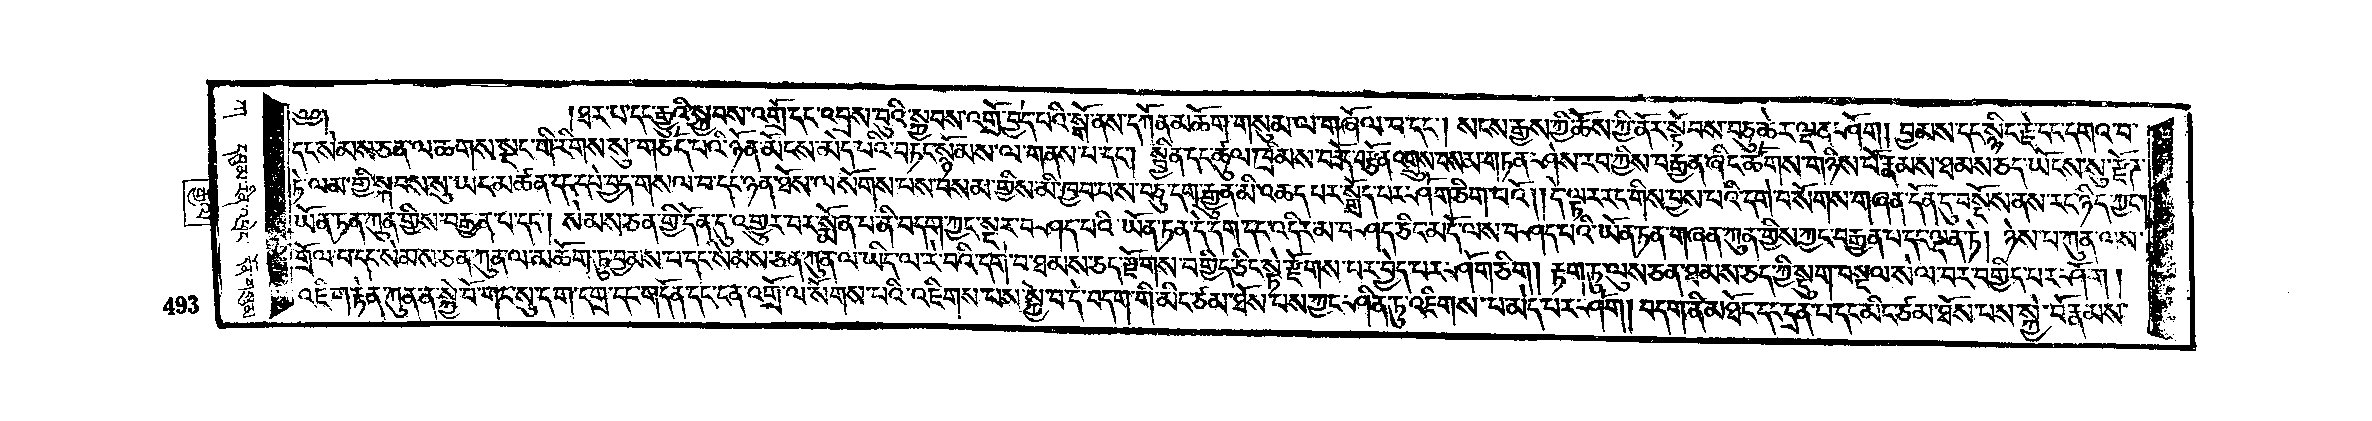༄༅། །ཐར་པ་དང་རྒྱུའི་སྐྱབས་འགྲོ་དང་འབྲས་བུའི་སྐྱབས་འགྲོ་བྱེད་པའི་སྒོ་ནས་དཀོན་མཆོག་གསུམ་ལ་གཞོལ་བ་དང་། སངས་རྒྱས་ཀྱི་ཆོས་ཀྱི་ནོར་སྟོབས་བཅུ་ཆེར་ལྡན་ཤོག །བྱམས་དང་སྙིང་རྗེ་དང་དགའ་བ་
དང་སེམས་ཅན་ལ་ཆགས་སྡང་གི་རིགས་སུ་གཅོད་པའི་ཉོན་མོངས་མེད་པའི་བཏང་སྙོམས་ལ་གནས་པ་དང་། སྦྱིན་དང་ཚུལ་ཁྲིམས་བཟོད་བརྩོན་འགྲུས་བསམ་གཏན་ཤེས་རབ་ཀྱིས་བརྒྱན་ཞིང་ཚོགས་གཉིས་པོ་རྣམས་ཐམས་ཅད་ཡོངས་སུ་རྫོགས་
ཏེ་ལམ་གྱི་སྐབས་སུ་ཡང་མཚན་དང་དཔེ་བྱད་གསལ་བ་དང་ཉན་ཐོས་ལ་སོགས་པས་བསམ་གྱིས་མི་ཁྱབ་པ་ས་བཅུ་དག་རྒྱུན་མི་འཆད་པར་སྒྲོད་པར་ཤོག་གཅིག་པའོ། །དེ་ལྟར་རང་གིས་བྱས་པའི་དགེ་བ་སོགས་གཞན་དོན་དུ་བསྔོས་ནས་རང་ཉིད་ཀྱང་
ཡོན་ཏན་ཀུན་གྱིས་བརྒྱན་པ་དང་། སེམས་ཅན་གྱི་དོན་དུ་འགྱུར་བར་སྨོན་པ་ནི་བདག་ཀྱང་སྔར་བཤད་པའི་ཡོན་ཏན་དེ་དག་དང་འདིར་མ་བཤད་ཅིང་མདོ་ལས་བཤད་པའི་ཡོན་ཏན་གཞན་ཀུན་གྱིས་ཀྱང་བརྒྱན་པ་དང་ལྡན་ཏེ། ཉེས་པ་ཀུན་ལས་
གྲོལ་བ་དང་སེམས་ཅན་ཀུན་ལ་མཆོག་ཏུ་བྱམས་པ་དང་སེམས་ཅན་ཀུན་ལ་ཡིད་ལ་རེ་བའི་དགེ་བ་ཐམས་ཅད་རྫོགས་པ་གྱིད་ཅིང་སྟེ་རྫོགས་པར་བྱེད་པར་ཤོག་ཅིག །རྟག་ཏུ་ལུས་ཅན་ཐམས་ཅད་ཀྱི་སྡུག་བསྔལ་སེལ་བར་བགྱིད་པར་ཤོག །
འཇིག་རྟེན་ཀུན་ན་སྐྱེ་བོ་གང་སུ་དག་དགྲ་དང་གདོན་དང་ངན་འགྲོ་ལ་སོགས་པའི་འཇིགས་པས་སྐྱེ་བ་དེ་བདག་གི་མིང་ཙམ་ཐོས་པས་ཀྱང་ཤིན་ཏུ་འཇིགས་པ་མེད་པར་ཤོག །བདག་ནི་མཐོང་དང་དྲན་པ་དང་མིང་ཙམ་ཐོས་པས་སྐྱེ་བོ་རྣམས་